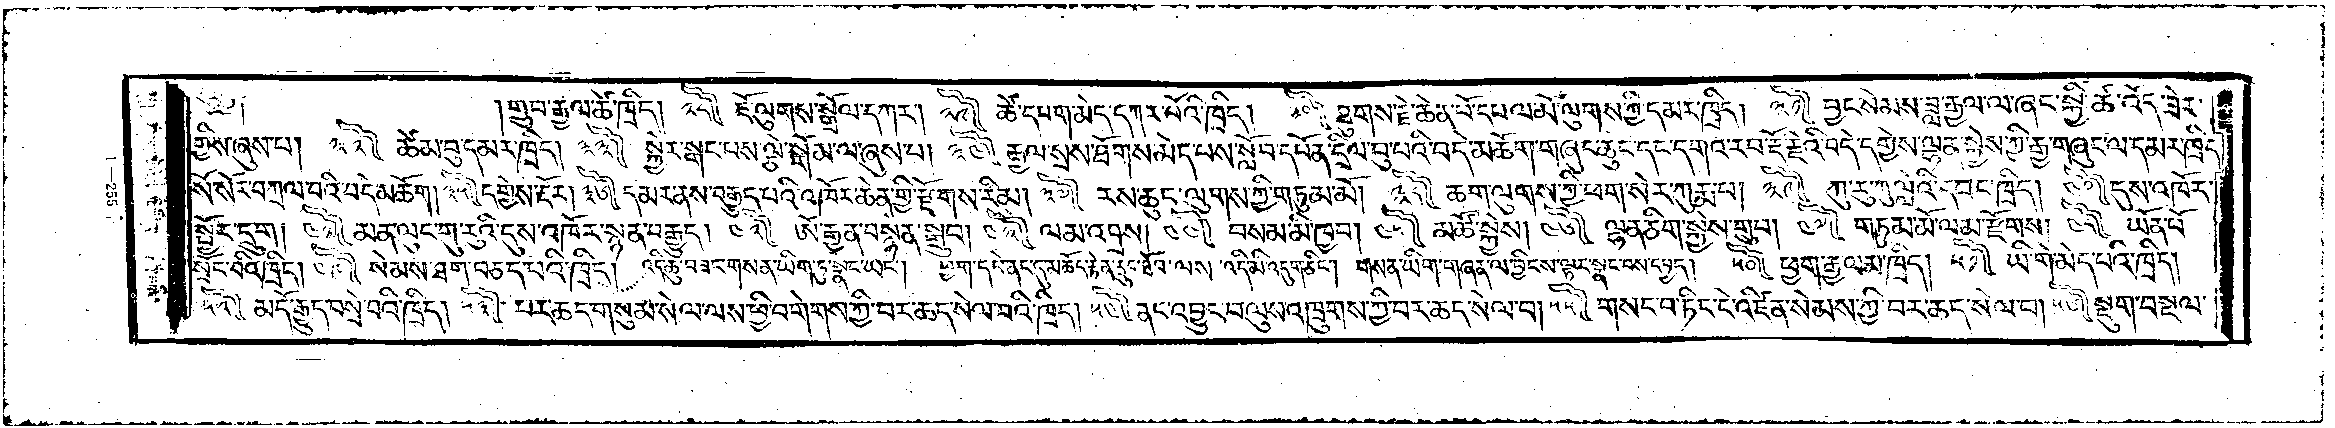༄༅། །གྲུབ་རྒྱལ་ཚེ་ཁྲིད། ༢༨༼༽ ཇོ་ལུགས་སྒྲོལ་དཀར། ༢༩༼༽ ཚེ་དཔག་མེད་དཀར་པོའི་ཁྲིད། ༣༠༼༽ ཐུགས་རྗེ་ཆེན་པོ་དཔལ་མོ་ལུགས་ཀྱི་དམར་ཁྲིད། ༣༡༼༽ བྱང་སེམས་ཟླ་རྒྱལ་ལ་ཞང་སྐྱི་ཚ་འོད་ཟེར་
གྱིས་ཞུས་པ། ༣༢༼༽ ཚེམ་བུ་དམར་ཁྲིད། ༣༣༼༽ སྐྱེར་སྒང་པས་ལྕེ་སྒོམ་ལ་ཞུས་པ། ༣༤༼༽ རྒྱལ་སྲས་ཐོགས་མེད་པས་སློབ་དཔོན་དྲིལ་བུ་པའི་བདེ་མཆོག་གཞུང་ཆུང་དང་དགའ་རབ་རྡོ་རྗེའི་བདེ་དགྱེས་ལྷན་སྐྱེས་ཀྱི་རྒྱ་གཞུང་ལ་དམར་ཁྲིད་
སོ་སོར་བཀྲལ་བའི་བདེ་མཆོག། ༣༥༼༽ དགྱེས་རྡོར། ༣༦༼༽ དམར་ནས་བརྒྱུད་པའི་འཁོར་ཆེན་གྱི་རྫོགས་རིམ། ༣༧༼༽ རས་ཆུང་ལུགས་ཀྱི་གཏུམ་མོ། ༣༨༼༽ ཆག་ལུགས་ཀྱི་ཕག་སེར་ཀུརྨ་པ། ༣༩༼༽ ཀུ་རུ་ཀུ་ལླེའི་དབང་ཁྲིད། ༤༠༼༽ དུས་འཁོར་
སྤྱོར་དྲུག། ༤༡༼༽ མན་ལུང་གུ་རུའི་དུས་འཁོར་སྙན་བརྒྱད། ༤༢༼༽ ཨོ་རྒྱན་བསྙེན་སྒྲུབ། ༤༣༼༽ ལམ་འབྲས། ༤༤༼༽ བསམ་མི་ཁྱབ། ༤༥༼༽ མཚོ་སྐྱེས། ༤༦༼༽ ལྷན་ཅིག་སྐྱེས་གྲུབ། ༤༧༼༽ གཏུམ་མོ་ལམ་རྫོགས། ༤༨༼༽ ཡོན་པོ་
སྲོང་བའི་ཁྲིད། ༤༩༼༽ སེམས་ཐག་བཅད་པའི་ཁྲིད་འདི་ཆུ་བཟང་གསན་ཡིག་ཏུ་སྣང་ཡང་། ཕྱག་དཔེ་ནང་དུ་མཆོད་རྟེན་རླུང་ཐོབ་ལས་འདི་མི་འདུག་ཅིང་། གསན་ཡིག་གཞན་ལ་བྱིངས་ལྟར་སྣང་བས་དཔྱད།  ༥༠༼༽ ཕྱག་རྒྱ་ལམ་ཁྲིད། ༥༡༼༽ ཡི་གེ་མེད་པའི་ཁྲིད།
༥༢༼༽ མདོ་རྒྱུད་བསྲེ་བའི་ཁྲིད། ༥༣༼༽ པར་ཆད་གསུམ་སེལ་ལས་ཕྱི་བགེགས་ཀྱི་བར་ཆད་སེལ་བའི་ཁྲིད། ༥༤༼༽ ནང་འབྱུང་བ་ལུས་འཁྲུགས་ཀྱི་བར་ཆད་སེལ་བ། ༥༥༼༽ གསང་བ་ཏིང་ངེ་འཛིན་སེམས་ཀྱི་བར་ཆད་སེལ་བ། ༥༦༼༽ སྡུག་བསྔལ་